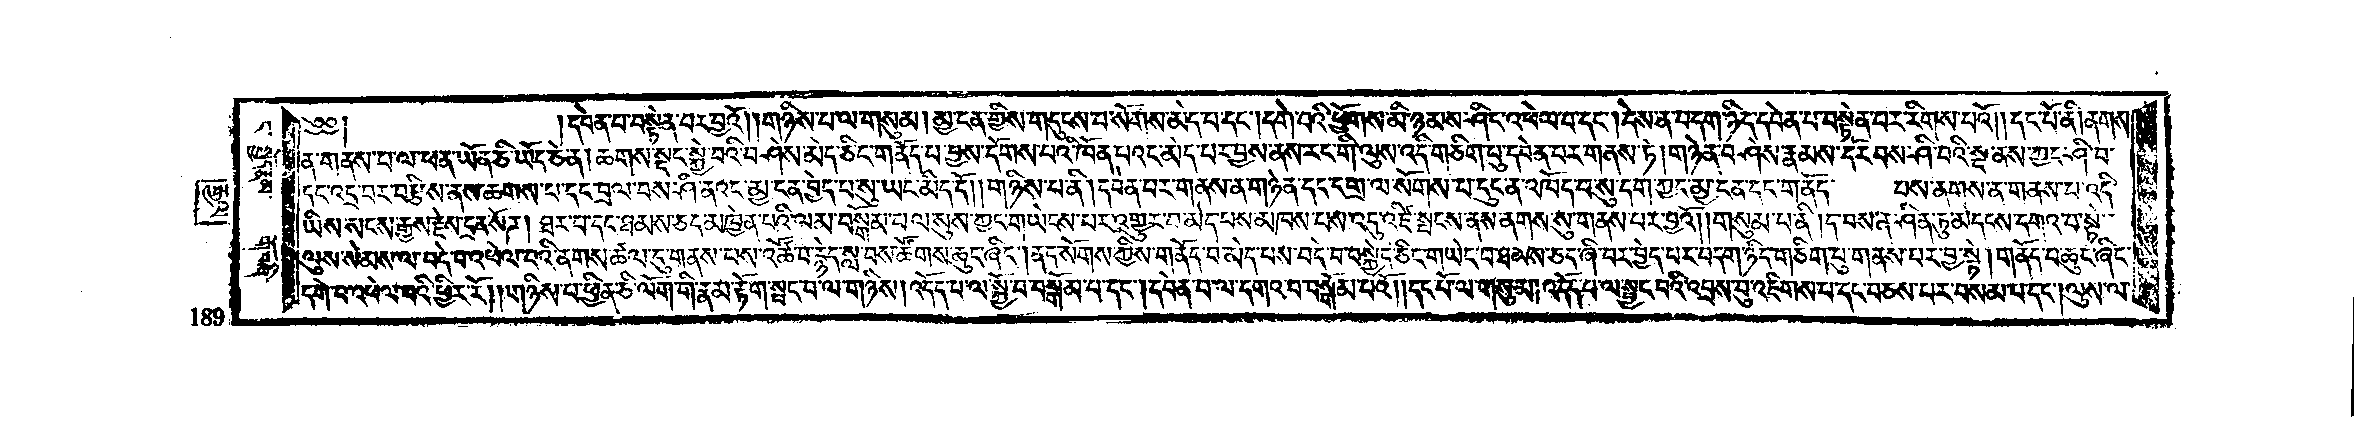༄༅། །དབེན་པ་བསྟེན་པར་བྱའོ། །གཉིས་པ་ལ་གསུམ། མྱ་ངན་གྱིས་གདུངས་པ་སོགས་མེད་པད་ནག། དགེ་བའི་ཕྱོགས་མི་ཉམས་ཤིང་འཕེལ་བ་དང་། དེས་ན་བདག་ཉིད་དབེན་པ་བསྟེན་པར་རིགས་པའོ། །དང་པོ་ནི། ནགས་
ན་གནས་པ་ལ་ཕན་ཡོན་ཅི་ཡོད་ཅེ་ན། ཆགས་སྡང་སྐྱེ་བའི་བཤེས་མེད་ཅིང་གནོད་པ་བྱས་དོགས་པའི་ཁོན་པའང་མེད་པར་བྱས་ནས་རང་གི་ལུས་འདི་གཅིག་པུ་དབེན་པར་གནས་ཏེ། གཉེན་བཤེས་རྣམས་དོར་བས་ཤི་བའི་སྔ་ནས་ཀྱང་ཤི་བ་
དང་འདྲ་བར་བརྩིས་ནས་ཆགས་པ་དང་བྲལ་བས་ཤི་ནའང་མྱ་ངན་བྱེད་པ་སུ་ཡང་མིད་དོ། །གཉིས་པ་ནི། དབེན་པར་གནས་ན་གཉེན་དང་དགྲ་ལ་སོགས་པ་དུང་ན་འཁོད་པ་སུ་དག་ཀྱང་མྱ་ངན་དང་གནོད་པས་ནགས་ན་གནས་པ་འདི་
ཡིས་སངས་རྒྱས་རྗེས་དྲན་སོགས། ཐར་པ་དང་ཐམས་ཅད་མཁྱེན་པའི་ལམ་བསྒོམ་པ་ལ་སུས་ཀྱང་གཡེངས་པར་འགྱུར་བས་མེད་པས་མཁས་པས་འདུ་འཛི་སྤངས་ནས་ནགས་སུ་གནས་པར་བྱའོ། །གསུམ་པ་ནི། ད་བས་ན་ཤིན་ཏུ་མདངས་དགའ་བ་སྟེ་
ལུས་སེམས་ལ་བདེ་བ་འཕེལ་བའི་ནགས་ཚལ་དུ་གནས་པས་འཚོ་བ་རྙེད་སླ་བས་ཚོགས་ཆུང་ཞིང་། ནད་སོགས་ཀྱིས་གནོད་པ་མེད་པས་བདེ་བ་བསྐྱེད་ཅིང་གཡེང་བ་ཐམས་ཅད་ཞི་བར་བྱེད་པར་བདག་ཉིད་གཅིག་པུ་གནས་པར་བྱ་སྟེ། གནོད་པ་ཆུང་ཞིང་
དགེ་བ་འཕེལ་བའི་ཕྱིར་རོ། །གཉིས་པ་ཕྱིན་ཅི་ལོག་གི་རྣམ་རྟོག་སྤང་བ་ལ་གཉིས། འདོད་པ་ལ་སྐྱོ་བསྒོམ་པ་དང་། དབེན་པ་ལ་དགའ་བ་བསྒོམ་པའོ། །དང་པོ་ལ་གསུམ། འདོད་པ་ལ་སྦྱང་བའི་འབྲས་བུ་འཇིགས་པ་དང་བཅས་པར་བསམ་པ་དང་། ལུས་ལ་